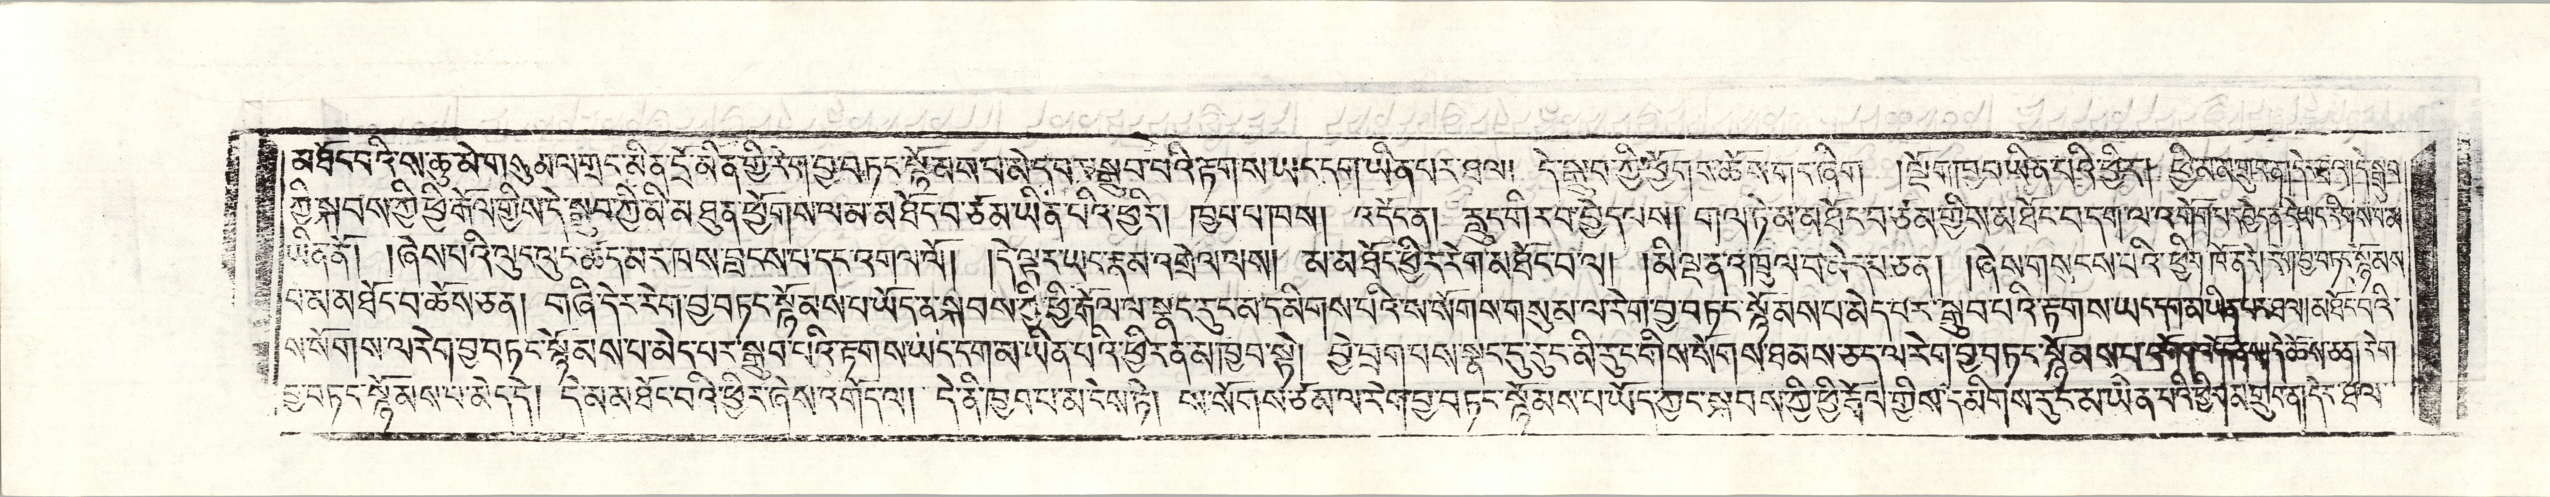མཐོང་བའི་ས་ཆུ་མེ་གསུམ་ལ་གྲང་མིན་དྲོ་མིན་གྱི་རེག་བྱ་བཏང་སྙོམས་པ་མེད་པར་སྒྲུབ་པའི་རྟགས་ཡང་དག་ཡིན་པར་ཐལ། དེ་སྒྲུབ་ཀྱི་ཕྱོགས་ཆོས་གང་ཞིག །ལྡོག་ཁྱབ་ཡིན་པའི་ཕྱིར། ཕྱི་མ་མ་གྲུབ་ན། དེར་ཐལ། དེ་སྒྲུབ་
ཀྱི་སྐབས་ཀྱི་ཕྱི་རྒོལ་གྱིས་དེ་སྒྲུབ་ཀྱི་མི་མཐུན་ཕྱོགས་ལ་མ་མཐོང་བ་ཙམ་ཡིན་པའི་ཕྱིར། ཁྱབ་པ་ཁས། འདོད་ན། རླུང་གི་རབ་བྱེད་ལས། གལ་ཏེ་མ་མཐོང་བ་ཙམ་གྱིས་མཐོང་བ་དག་ལ་འགོག་བར་བྱེད་ན་དེ་ཡང་རིགས་པ་མ་
ཡིན་ནོ། །ཞེས་པའི་ལུང་ལུང་ཚད་མར་ཁས་བླངས་པ་དང་འགལ་ལོ། །དེ་ལྟར་ཡང་རྣམ་འགྲེལ་ལས། མ་མཐོང་ཕྱིར་རེག་མཐོང་བ་ལ། མི་ལྡན་འཁྲུལ་བ་མེད་པ་ཅན། །ཞེས་གསུངས་པའི་ཕྱིར། ཁོ་ན་རེ། རེག་བྱ་བཏང་སྙོམས་
པ་མ་མཐོང་བ་ཆོས་ཅན། གཞི་དེར་རེག་བྱ་བཏང་སྙོམས་པ་ཡོད་ན་སྐབས་ཀྱི་ཕྱི་རྒོལ་ལ་སྣང་རུང་མ་དམིགས་པའི་ས་སོགས་གསུམ་ལ་རེག་བྱ་བཏང་སྙོམས་པ་མེད་པར་སྒྲུབ་པའི་རྟགས་ཡང་དག་མ་ཡིན་པར་ཐལ། མཐོང་བའི་
ས་སོགས་ལ་རེག་བྱ་བཏང་སྙོམས་པ་མེད་པར་སྒྲུབ་པའི་རྟགས་ཡང་དག་མ་ཡིན་པའི་ཕྱིར་ན་མ་ཁྱབ་སྟེ། བྱེ་བྲག་པས་སྣང་དུ་རུང་མི་རུང་གི་ས་སོགས་ཐམས་ཅད་ལ་རེག་བྱ་བཏང་སྙོམས་པ་འགོག་འདོད་ནས། དེ་ཆོས་ཅན། རེག་
བྱ་བཏང་སྙོམས་པ་མེད་དེ། དེ་མ་མཐོང་བའི་ཕྱིར་ཞེས་འགོད་ལ། དེ་ནི་ཁྱབ་པ་མ་ངེས་ཏེ། ས་སོགས་ཙམ་ལ་རེག་བྱ་བཏང་སྙོམས་པ་ཡོད་ཀྱང་སྐབས་ཀྱི་ཕྱི་རྒོལ་གྱིས་དམིགས་རུང་མ་ཡིན་པའི་ཕྱིར། མ་གྲུབ་ན། དེར་ཐལ་